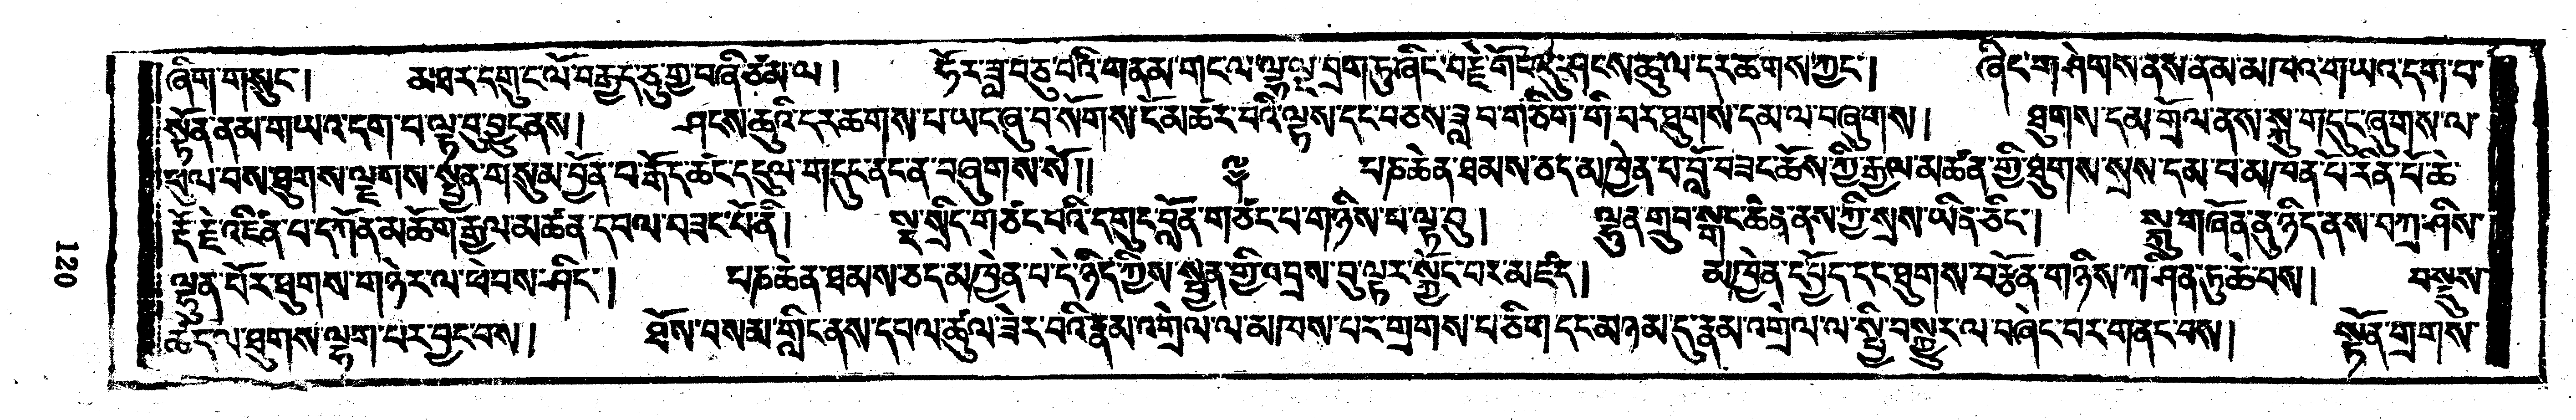ཞིག་གསུང་། མཐར་དགུང་ལོ་བརྒྱད་ཅུ་གྱ་བཞི་ཙམ་ལ། ཧོར་ཟླ་བཅུ་བའི་གནམ་གང་ལ་ལྷ་ལྔ་བྲག་ཏུ་ཞིང་བརྗེ་གོང་དུ་ཤངས་ཆུ་ལ་དར་ཆགས་ཀྱང་། ཞིང་གཤེགས་ནས་ནམ་མཁའ་གཡའ་དག་པ་
སྟོན་ནམ་གཡའ་དག་པ་ལྟ་བུ་བྱུང་ནས། ཤངས་ཆུའི་དར་ཆགས་པ་ཡང་ཞུ་བ་སོགས་ངོ་མཚར་བའི་ལྟས་དང་བཅས་ཟླ་བ་གཅིག་གི་བར་ཐུགས་དམ་ལ་བཞུགས། ཐུགས་དམ་གྲོལ་ནས་སྐུ་གདུང་ཞུགས་ལ་
ཕུལ་བས་ཐུགས་ལྗགས་སྤྱན་གསུམ་བྱོན་པ་རྒོད་ཚང་དངུལ་གདུང་ནང་ན་བཞུགས་སོ།། ༈ པཎ་ཆེན་ཐམས་ཅད་མཁྱེན་པ་བློ་བཟང་ཆོས་ཀྱི་རྒྱལ་མཚན་གྱི་ཐུགས་སྲས་དམ་པ་མཁན་པོ་རིན་པོ་ཆེ་
རྡོ་རྗེ་འཛིན་པ་དཀོན་མཆོག་རྒྱལ་མཚན་དཔལ་བཟང་པོ་ནི། སྔ་སྲིད་གཙང་བའི་དགུང་བློན་གཙང་པ་གཉིས་པ་ལྟ་བུ། ལྷུན་གྲུབ་སྒང་ཆེན་ནས་ཀྱི་སྲས་ཡིན་ཅིང་། སྐུ་གཞོན་ནུ་ཉིད་ནས་བཀྲ་ཤིས་
ལྷུན་པོར་ཐུགས་གཉེར་ལ་ཕེབས་ཤིང་། པཎ་ཆེན་ཐམས་ཅད་མཁྱེན་པ་དེ་ཉིད་ཀྱིས་སྤྱན་གྱི་འབྲས་བུ་ལྟར་སྐྱོང་བར་མཛད། མཁྱེན་དཔྱོད་དང་ཐུགས་བརྩོན་གཉིས་ཀ་ཤིན་ཏུ་ཆེ་བས། བསྡུས་
ཚད་ལ་ཐུགས་ལྷག་པར་བྱང་བས། ཐོས་བསམ་གླིང་ནས་དཔལ་ཚུལ་ཟེར་བའི་རྣམ་འགྲེལ་ལ་མཁས་པར་གྲགས་པ་ཅིག་དང་མཉམ་དུ་རྣམ་འགྲེལ་ལ་སྤྱི་བསྐྱུར་ལ་བཞེང་བར་གནང་བས། སྟོན་གྲག་